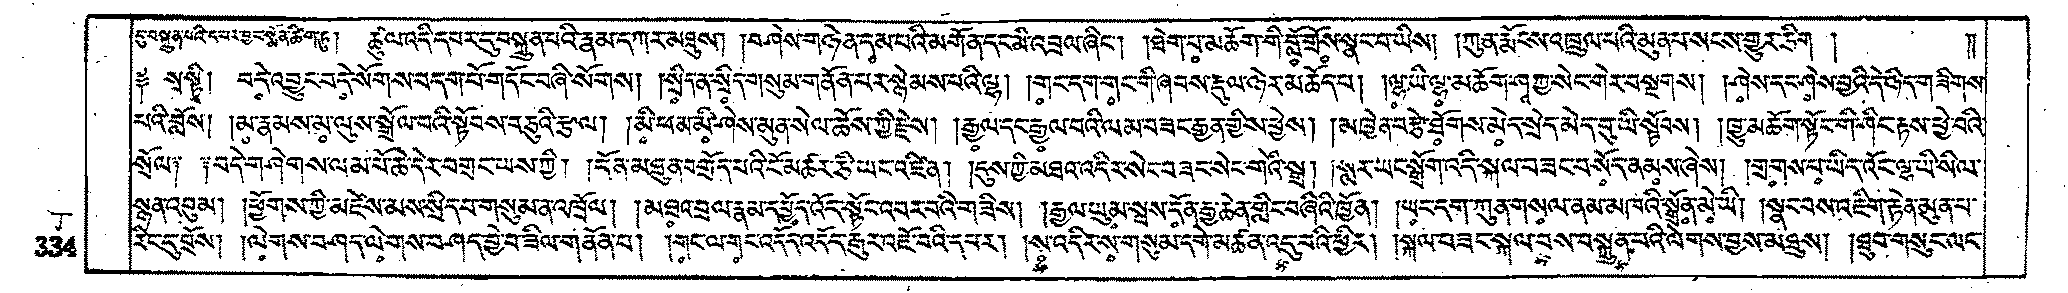དུ་བསྐྲུན་པའི་དཔར་བྱང་སྨོན་ཚིག་ཏུ། ཚུལ་འདི་དཔར་དུ་བསྐྲུན་པའི་རྣམ་དཀར་མཐུས། །བཤེས་གཉེན་དམ྾་པའི་མགོན་དང་མི་འབྲལ་ཞིང་། །ཐེག་པ྾་མཆོག་གི་བློ྾་གྲོས྾་སྣང་བ་ཡིས། །ཀུན་རྨོངས་འཁྲུལ་པའི་མུན་པ་སངས་གྱུར་ཅིག། །།
འ་སྭསྟྭི། བདེ྾་འབྱུང་བདེ྾་སོགས་བདག་པོ་གདོང་བཞི་སོགས། །སྲིད྾་ན་སྲིད྾་གསུམ་གནོན་པར་སྙེམས་པའི་ལྷ། །གང྾་དག་གང྾་གི་ཞབས་རྡུལ་ཉེར་མཆོད་པ། །ལྷ྾་ཡི་ལྷ྾་མཆོག་ཤཱཀྱ་སེང་གེར་བསྔགས། །ཤེས྾་དང་ཤེས྾་བྱའི་དེ་ཉིད་གཟིགས་
པའི་བློས། །མ྾་རྣམས་མ྾་ལུས་སྒྲོལ་བའི་སྟོབས་བཅུའི་རྩལ། །མི྾་ཕམ་མི྾་ཤེས་མུན་སེལ་ཆོས་ཀྱི་རྗེས། །རྒྱལ྾་དང་རྒྱལ྾་བའི་ལམ་བཟང་རྒྱན་གྱིས་ཕྱེས། །མཁྱེན་བརྩེ་ཐོགས྾་མེད་སྲེད་མེད་བུ་ཡི་སྟོབས། །ཁྱུ་མཆོག་སྟོང་གི་ཤིང་རྟས་ཕྱེ་བའི་
སྲོལ༑ ༑བདེ་གཤེགས་ལ་མ་པོ་ཆེ་དེར་བགྲང་ཡས་ཀྱི། །དོན་མཐུན་བགྲོད་པའི་ངོ་མཚར་ཅི་ཡང་འཛིན། །དུས་ཀྱི་མཐའ་འདིར་སེང་བཟང་སེང་གེའི་སྒྲ། །སླར་ཡང་སྒྲོག་འདི་སྐལ་བཟང་བསོད྾་ནམས྾་ཞེས། །གྲགས྾་པ྾་ཡིད་འོང་ལྷ་ཡི་སིལ་
སྙན་འབུམ། །ཕྱོགས་ཀྱི་མཛེས་མས་སྲིད་པ་གསུམ་ན་འཁྲོལ། །མཐའ྾་བྲལ་རྣམ་དཔྱོད྾་འོད་སྟོང་འབར་བའི་གཟིས། །རྒྱལ་ཡུམ྾་སྦས་དོན྾་རྒྱ་ཆེན་གླིང་བཞིའི་ཁྱོན། །ཡང྾་དག་ཀུན་གསལ྾་ནམ་མཁའི་སྒྲོན྾་མེ྾་ཡི། །སྣང་བས་འཇིག་རྟེན་མུན་པ་
རིང་དུ་བྲོས། །ལེགས྾་བཤད་ལེགས྾་བཤད་བྱེ་བ་ཟིལ་གནོན་པ། །གང྾་ལ་གང྾་འདོད་འདོད་རྒུར་འཇོ་བའི་དཔར། །ས྾་འདིར་ས྾་གསུམ་དགེ་མཚན་འདུ་བའི་ཕྱིར། །སྐལ་བཟང་སྐལ་བས་བསྐྲུན྾་པའི་ལེགས་བྱས་མཐུས། །ཐུབ་གསུང་ལང་